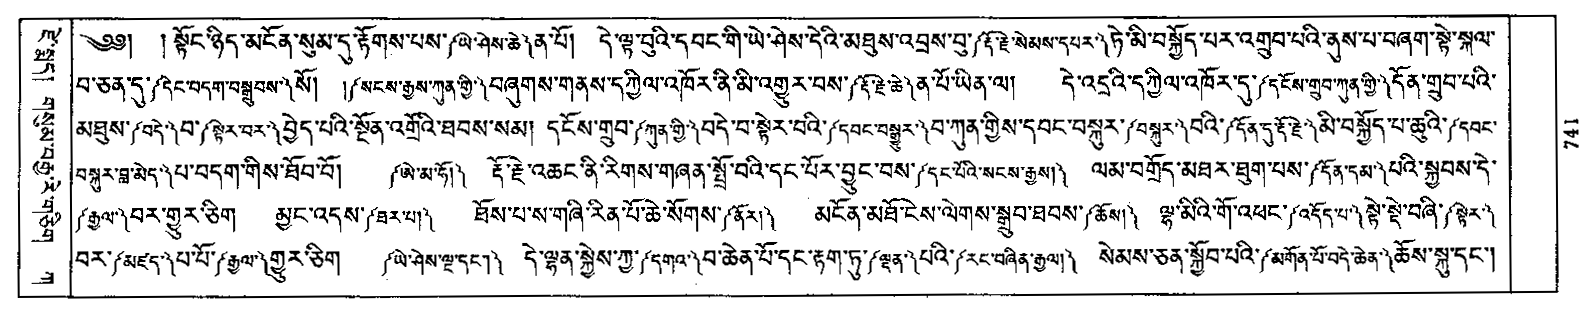༄༅། །སྟོང་ཉིད་མངོན་སུམ་དུ་རྟོགས་པས་ཡེ་ཤེས་ཆ྄ེ་ན་པོ། དེ་ལྟ་བུའི་དབང་གི་ཡེ་ཤེས་དེའི་མཐུས་འབྲས་བུ་?རྡོ་རྗེ་སེམས་དཔར྄་ཏེ་མི་བསྐྱོད་པར་འགྲུབ་པའི་ནུས་པ་བཞག་སྟེ་སྐལ་
བ་ཅན་དུ ༼དེང་བདག་བསྒྲུབས྄་སོ། །༽སངས་རྒྱས་ཀུན་གྱ྄ི་བཞུགས་གནས་དཀྱིལ་འཁོར་ནི་མི་འགྱུར་བས ༼རྡོ་རྗེ་ཆ྄ེ་ན་པོ་ཡིན་ལ། དེ་འདྲའི་དཀྱིལ་འཁོར་དུ་༽དངོས་གྲུབ་ཀུན་གྱ྄ི་དོན་གྲུབ་པའི་
མཐུས ༼བད྄ེ་བ་༽སྟེར་བར྄་བྱེད་པའི་སྔོན་འགྲོའི་ཐབས་སམ། དངོས་གྲུབ ༼ཀུན་གྱ྄ི་བདེ་བ་སྟེར་བའི་༽དབང་བསྒྱུར྄་བ་ཀུན་གྱིས་དབང་བསྐུར ༼བསྐུར྄་བའི་༽དོན་དུ་རྡོ་རྗ྄ེ་མི་བསྐྱོད་པ་ཆུའི་དབང་
བསྐུར་བླ་མེད྄་པ་བདག་གིས་ཐོབ་བོ། ༼ཨེ་མ་ཧོ།?་རྡོ་རྗེ་འཆང་ནི་རིགས་གཞན་སྤྲོ་བའི་དང་པོར་བྱུང་བས་༽དང་པོའི་སངས་རྒྱས།?་ལམ་བགྲོད་མཐར་ཐུག་པས་དོན་དམ྄་པའི་སྐྱབས་དེ་
༼རྒྱལ྄་བར་གྱུར་ཅིག་མྱང་འདས་༽ཐར་པ།?་ཐོས་པ་ས་གཞི་རིན་པོ་ཆེ་སོགས ༼ནོར།?་མངོན་མཐོ་ངེས་ལེགས་སྒྲུབ་ཐབས་༽ཆོས།?་ལྷ་མིའི་གོ་འཕང ༼འདོད་པ྄་སྟེ་སྡེ་བཞི་༽སྟེར྄
བར ༼མཛད྄་པ་པོ་༽རྒྱལ྄་གྱུར་ཅིག ༼ཡེ་ཤེས་ལྔ་དང་།?་དེ་ལྷན་སྐྱེས་ཀྱ་༽དགའ྄་བ་ཆེན་པོ་དང་རྟག་ཏུ ༼ལྡན྄་པའི་༽རང་བཞིན་རྒྱལ།?་སེམས་ཅན་སྐྱོབ་པའི་མགོན་པོ་བདེ་ཆེན྄་ཆོས་སྐུ་དང་།